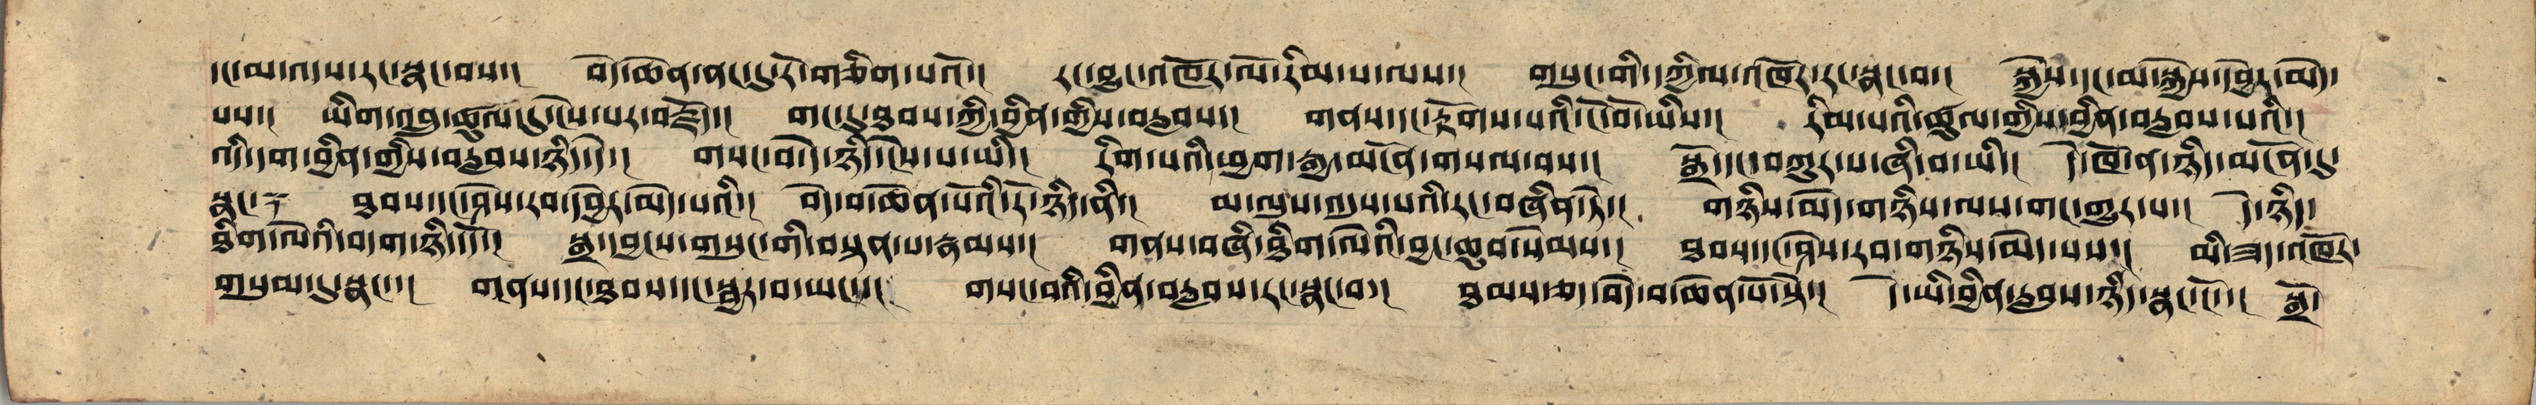དང་མ་འདས་རང་སྣང་བས་། བདེ་ཆེན་ནང་དུ་རོ་གཅིག་པའོ་། རང་བྱུང་འཁོར་ལོ་རིམ་པ་ལས་། གསུང་གི་དཀྱིལ་འཁོར་རང་སྣང་བ་། སྐྱེས་དང་མ་སྐྱེས་དབྱེར་མེད་
པས་། ཡིག་འབྲུ་ཚུལ་དུ་ངེས་པར་བརྗོད་། གང་དུ་ཐབས་ཀྱི་བྱིན་གྱིས་བརླབས་། གནས་དང་རྟོགས་པའི་ངོ་བོ་ཡིས་། རིམ་པའི་ཚུལ་གྱིས་བྱིན་བརླབས་པའི་།
འདི་དག་བྱིན་གྱིས་བརླབས་ཉིད་དེ་། གསང་བ་དེ་ཉིད་ངེས་པ་ཡི་། རིག་པའི་ཕྱག་རྒྱ་མངོན་གསལ་བས་། སྒྲོ་དང་བཀུར་པ་ཞི་བ་ཡི་། དེ་ཁོ་ན་ཉིད་མངོན་དུ་
སྣང་༑ ཐབས་དང་ཤེས་རབ་དབྱེར་མེད་པའི་། བདེ་བ་ཆེན་པོའི་རོ་ཉིད་ནི་། མ་ལུས་འདུས་པའི་རང་བཞིན་ཏེ་། གཉིས་མེད་གཉིས་ལས་གང་གྱུར་པ་། དེ་ཉིད་
ཐིག་ལེའི་བདག་ཉིད་དོ་། སྒྲ་དབྱངས་གསུང་གི་བསྟན་པ་རྣམས་། གནས་བཞི་ཐིག་ལེའི་བྱང་ཆུབ་སེམས་། ཐབས་དང་ཤེས་རབ་གཉིས་མེད་པས་། མི་ཟད་འཁོར་
གསུམ་དུ་སྣང་་། གནས་དང་ཐབས་དང་སྦྱར་བ་ཡང་་། གསང་བའི་བྱིན་བརླབས་རང་སྣང་བ་། ཐམས་ཅད་བདེ་བ་ཆེན་པོ་སྟེ་། དེ་ཡི་བྱིན་རླབས་ཉིད་སྣང་ངོ་་། སྒྲོ་